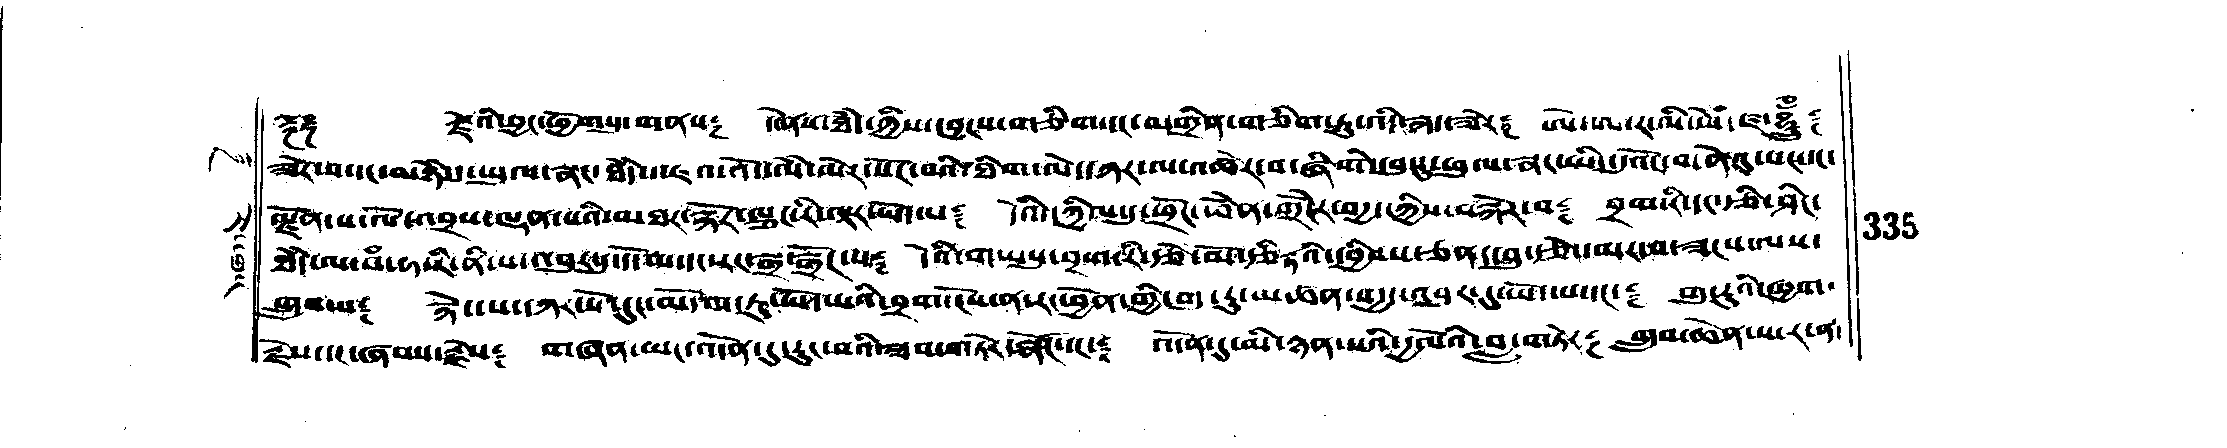རྗེའི་བྱང་ཕྱོགས་སུ་གནས། དེ་ནས་ཐམས་ཅད་ཀྱིས་དབྱངས་གཅིག་དང་མགྲིན་གཅིག་ཏུ་འདི་སྐད་ཟེར། ཨེ་ཨ་ར་ལི་ཕེཾ་ཛ་བྷྲུྃ། 
ཟེར་བ་དང་མཉམ་དུ་ཡུལ་སྣང་ཐམས་ཅད་འཇའ་འོད་ལམ་མེར་སོང་བའི་ཐིག་ལེ་དཀར་ལ་འཚེར་བ་ཞིག་གི་དབུ་རུ་ཡུལ་སྣང་ཡིད་དུ་འོང་བ་ནེའུ་སང་དང་
ལྗོན་པ་ལོ་འབྲས་ལྡན་པའི་མཐའ་སྐོར་ལྕགས་རི་ལྟར་ཡོད་པ། དེའི་དཀྱིལ་དུ་ཕོ་བྲང་ཆེན་པོ་གྲོང་ཁྱེར་བརྒྱད་ཀྱིས་བསྐོར་བ། བྲག་རི་དང་རྩི་ཤིང་
ཐམས་ཅད་ལ་བཾ་ཧ་རི་ནི་ས་འབུར་དུ་དོད་པ་དང་རང་སྒྲ་སྒྲོགས་པ། དེའི་གཡས་སུ་བྲག་རི་རྩེ་མོ་རྩིཏྟའི་དབྱིབས་ཅན་དབུ་རྩེ་དམར་བ་ཟངས་ལས་
གྲུབ་པ། སྐེད་པ་དཀར་པོ་དུང་མདོག་ཏུ་ཡོད་པའི་བྲག་ངོས་ན་རང་བྱོན་གྱི་གུ་རུ་མཚན་བརྒྱད་འབུར་དུ་ཡོད་པ་དང་། གུ་རུའི་ཕྱག་
རྗེས་དང་ཞབས་རྗེས། གཞན་ཡང་འདོན་དུ་རུང་བའི་ཟབ་གཏེར་སྣ་ཚོགས་དང་། འདོན་དུ་མི་ཉན་པའི་རྒྱལ་པོའི་བླ་གཏེར། གྲུབ་ཆེན་ས་ར་ཧ་